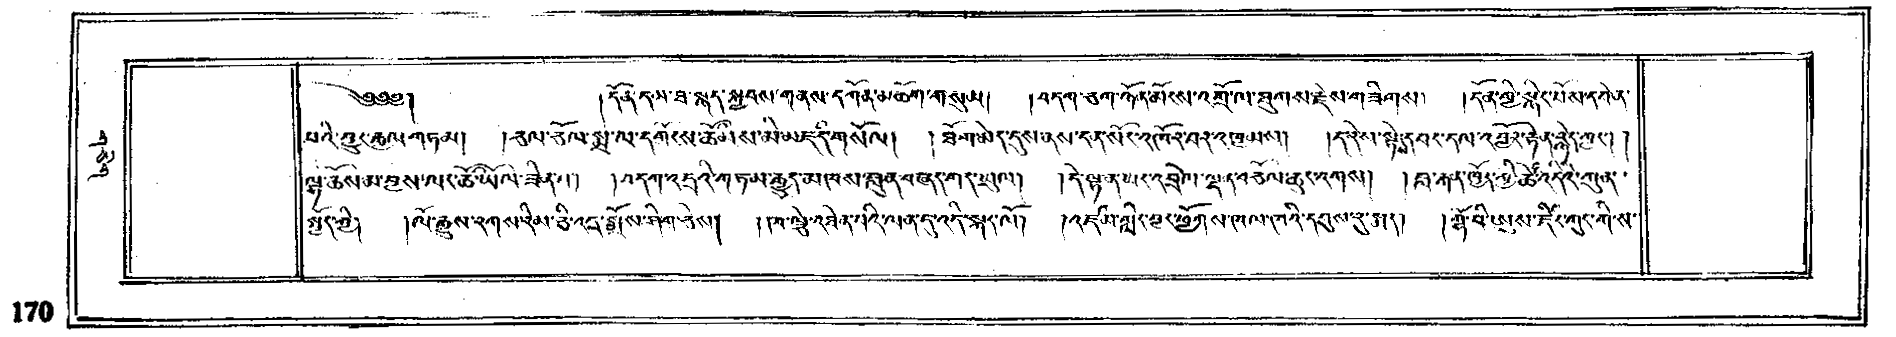༄༅༅། །དོན་དམ་ཐ་སྙད་སྐྱབས་གནས་དཀོན་མཆོག་གསུམ། །བདག་ཅག་ཉོན་མོངས་འགྲོ་ལ་ཐུགས་རྗེས་གཟིགས། །དོན་གྱི་སྙིང་བོས་དབེན་
པའི་བྱུང་རྒྱལ་གཏམ། །ཅལ་ཅོལ་སྨྲ་ལ་དགོངས་ཚོམས་མི་མཛད་གསོལ། །ཐོག་མེད་དུས་ནས་ངན་སོང་འཁོར་བར་འཁྱམས། །ད་རེས་སྟེས་དབང་དལ་འབྱོར་རྟེན་རྙེད་ཀྱང་། །
ལྷ་ཆོས་མ་བྱས་ལང་ཚོ་ཡོལ་ཟིན་པ། །བདག་འདྲའི་གཏམ་རྒྱུད་མཁས་བླུན་བཞད་གང་ཡུལ། །དེ་ལྟན་ཡང་འབྲེལ་ལྡན་བཅོལ་ཆུང་འགས། །བླ་རྐན་ཁྱོད་ཀྱི་ཚེ་འདིའི་ཀུན་
སྤྱོད་ཀྱི། །ལོ་རྒྱུས་རགས་རིམ་ཅི་འདྲ་སྨྲོས་ཤིག་ཅེས། །ཁ་ལྕེ་འཐེན་པའི་ལན་དུ་འདི་སྐད་ལོ། །འཛམ་གླིང་བྱང་ཕྱོགས་ཁལ་ཁའི་དབུས་རུ་སྨད། །གྷོ་བི་ཨུས་ཛིང་གུང་གི་ས་